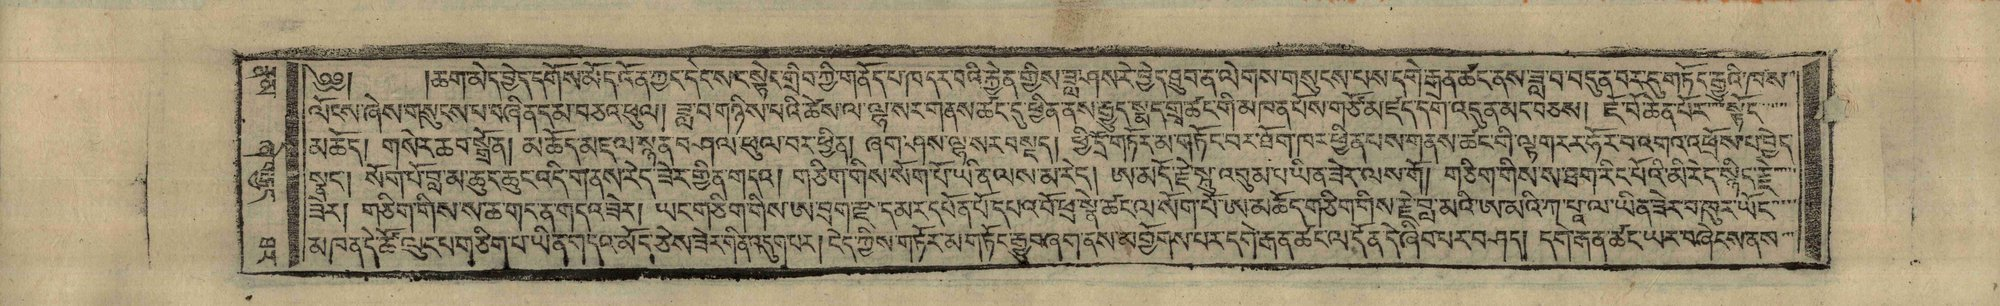༄༅། །ཆག་མེད་བྱེད་དགོས་མོད་འོན་ཀྱང་དེང་སང་སྟེང་གྲིབ་ཀྱི་གནོད་པ་ཁ་དར་བའི་རྐྱེན་གྱིས་ཟླ་ཤས་རེ་བྱེད་ཐུབ་ན་ལེགས་གསུངས་པས་དགེ་རྒན་ཚང་ནས་ཟླ་བ་བདུན་བར་དུ་གཏོང་རྒྱུའི་ཁས་
ལོངས་ཞེས་གསུངས་པ་བཞིན་དམ་བཅའ་ཕུལ། ཟླ་བ་གཉིས་པའི་ཚེས་ལ་ལྷ་སར་གནས་ཚང་དུ་ཕྱིན་ནས་རྒྱུད་སྨད་གྲྭ་ཚང་གི་མཁན་པོས་གཙོ་མཛད་དགེ་འདུན་མང་བཅས། ཇོ་བོ་ཆེན་པོར་སྟོང་
མཆོད། གསེར་ཆབ་སྒྲོན། མཆོད་མཇལ་སྙན་བཤལ་ཕུལ་བར་ཕྱིན། ཞག་ཤས་ལྷ་སར་བསྡད། ཕྱི་དྲོ་གཏོར་མ་གཏོང་བར་ཐོག་ཁར་ཕྱིན་པས་གནས་ཚང་གི་ལྟག་རར་ཧོར་བ་འགའ་འཕྲོས་པ་བྱེད་
སྣང་། སོག་པོ་བླ་མ་ཆུང་ཆུང་འདི་གནས་རེད་ཟེར་གྱིན་གདའ། གཅིག་གིས་སོག་པོ་ཡིན་ལས་མ་རེད། ཨ་མདོ་རྗེ་སྐུ་འབུམ་པ་ཡིན་ཟེར་ལས་གོ །གཅིག་གིས་ས་ཐག་རིང་པོའི་མི་རེད་སྙིང་རྗེ་
ཟེར། གཅིག་གིས་ས་ཆ་གང་ན་གདའ་ཟེར། ཡང་གཅིག་གིས་ཨ་བྲག་རྫ་དམར་དཔོན་པོ་དཔའ་བོ་ཕྲ་སྣེ་ཚང་ལ་སོག་པོ་ཨ་མཆོད་གཅིག་གིས་རྗེ་བླ་མའི་ཨ་མའི་ཀ་པཱ་ལ་ཡིན་ཟེར་བ་ཁུར་ཡོང་
མཁན་དེ་ཚོ་ལུང་པ་གཅིག་པ་ཡིན་གདའ་མོད་ཅེས་ཟེར་གིན་འདུག་པར། ངེད་ཀྱིས་གཏོར་མ་གཏོང་རྒྱུ་བཞག་ནས་མགྱོགས་པར་དགེ་རྒན་ཚང་ལ་དོན་དེ་ཞིབ་པར་བཤད། དགེ་རྒན་ཚང་ཡར་བཞེངས་ནས་